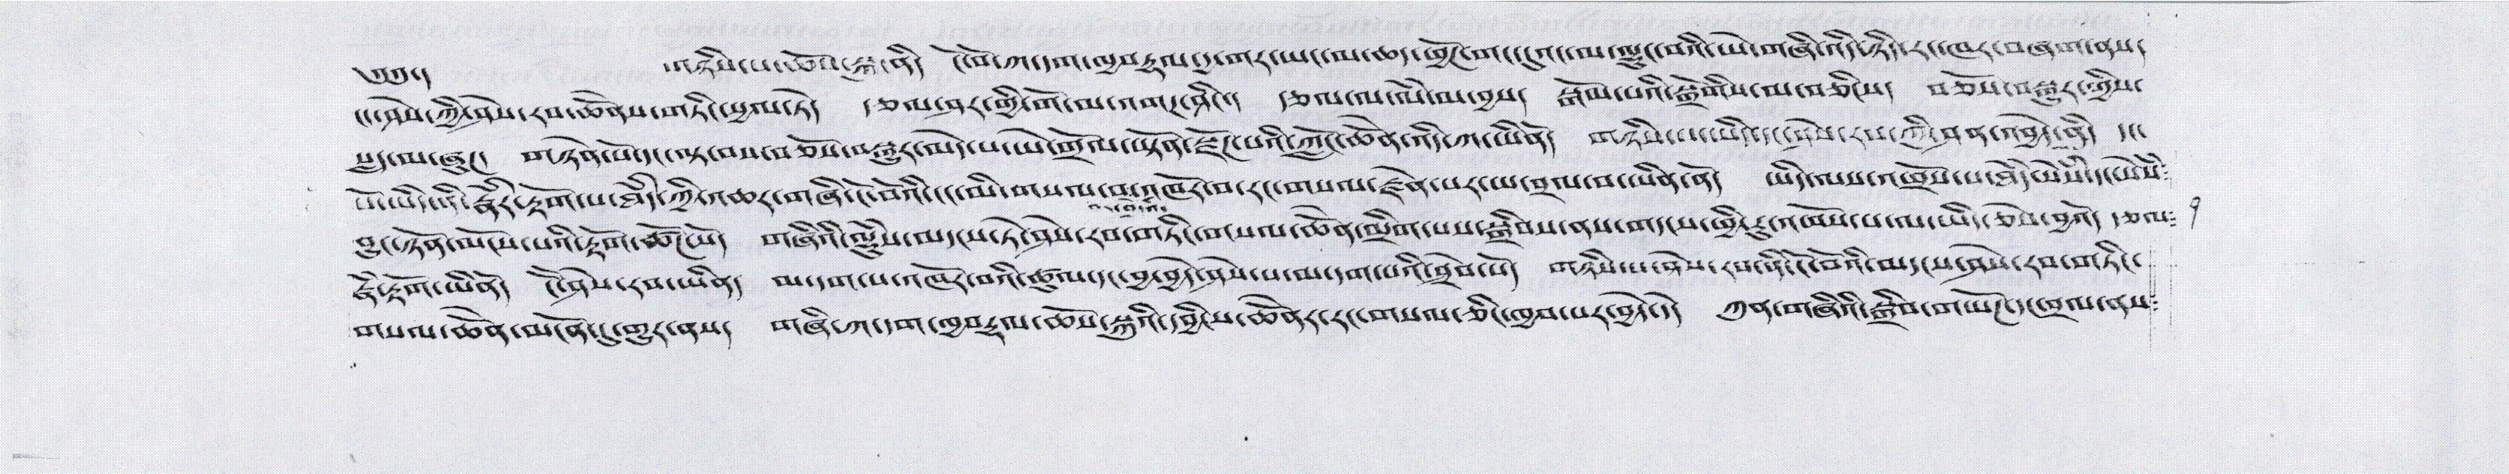གཉིས་པ་ཆོས་སྐུ་ནི། ངོ་བོ་ཀ་དག་ཁྱབ་བརྡལ་རྒྱ་གར་ཡང་མ་ཆད་ཕྱོགས་གང་དུའང་མ་ལྷུང་བའི་ཡེ་གཞི་འདི་ཉིད་རང་ཁར་བཞག་ནས། 
ངང་ཤེས་ཀྱི་ཤེས་རབ་ཆེན་པོས་གཏིང་གསལ་ཏེ། རྩལ་ཤར་གྱི་གོ་མ་འགགས་ཤིང། རྩལ་ལ་ལམ་མ་བྱས། སྒོམ་པའི་སྒྲོག་གིས་མ་བཅིངས། བཅོས་བསྒྱུར་གྱིས་
སླད་མ་ཞུགས། གཉེན་པོ་དང་ལྟ་བས་བཅོས་བསྒྱུར་མེད་པ་ཡེ་གྲོལ་ཡོན་ཏན་རྫོགས་པའི་ཀློང་ཆེན་པོ་འདི་ཀ་ཡིན་ནོ། གཉིས་པ་ཡིད་དང་ཤེས་རབ་ཀྱི་ཤན་འབྱེད་པ་ནི། དང་
པོ་ཡིད་ནི་རྣམ་པར་རྟོག་པ་ཐམས་ཅད་ཀྱི་འཆར་གཞི་བོ་བོའི་ངང་མི་གསལ་བ་འཁོར་བ་རང་གསལ་རྗེན་པར་ཡ་བྲལ་བ་ཡིན་ནོ། ཡིད་ལས་འཕྲོས་པ་ཐམས་ཅད་སེམས་དང་སེམས་
བྱུང་ཉོན་མོངས་པའི་རྟོག་ཚོགས་སོ། གཞིའི་ལྷུམས་མདངས་ཏེ་ཤེས་རབ་གཏིང་གསལ་ཆེན་པོ་མ་རིག་པས་སྒྲིབས་ནས་གདངས་ཕྱི་རུ་འཕོས་པ་ལ་ཡིད་ཅེས་བྱའོ། རྩལ་
རྣམ་རྟོག་ཡིན་ནོ། ངོ་བོ་ཤེས་རབ་ཡིན། མ་དག་པ་འཁོར་བའི་ཚུལ་དང་བྱ་བྱེད་ཤེས་པ་མ་དག་པའི་ཤེས་རབ་བོ། གཉིས་པ་ཤེས་རབ་ནི་ངོ་བོའི་མདངས་ཤེས་རབ་གཏིང་
གསལ་ཆེན་མངོན་དུ་གྱུར་ནས། གཞི་ཀ་དག་ཁྱབ་བརྡལ་ཆོས་སྐུའི་དབྱིངས་ཆེན་པོར་རང་གསལ་ཅིང་ཁྱབ་པར་བྱེད་དོ། ཀུན་གཞིའི་སྒྲིབ་གཡོགས་དང་བྲལ་ནས་